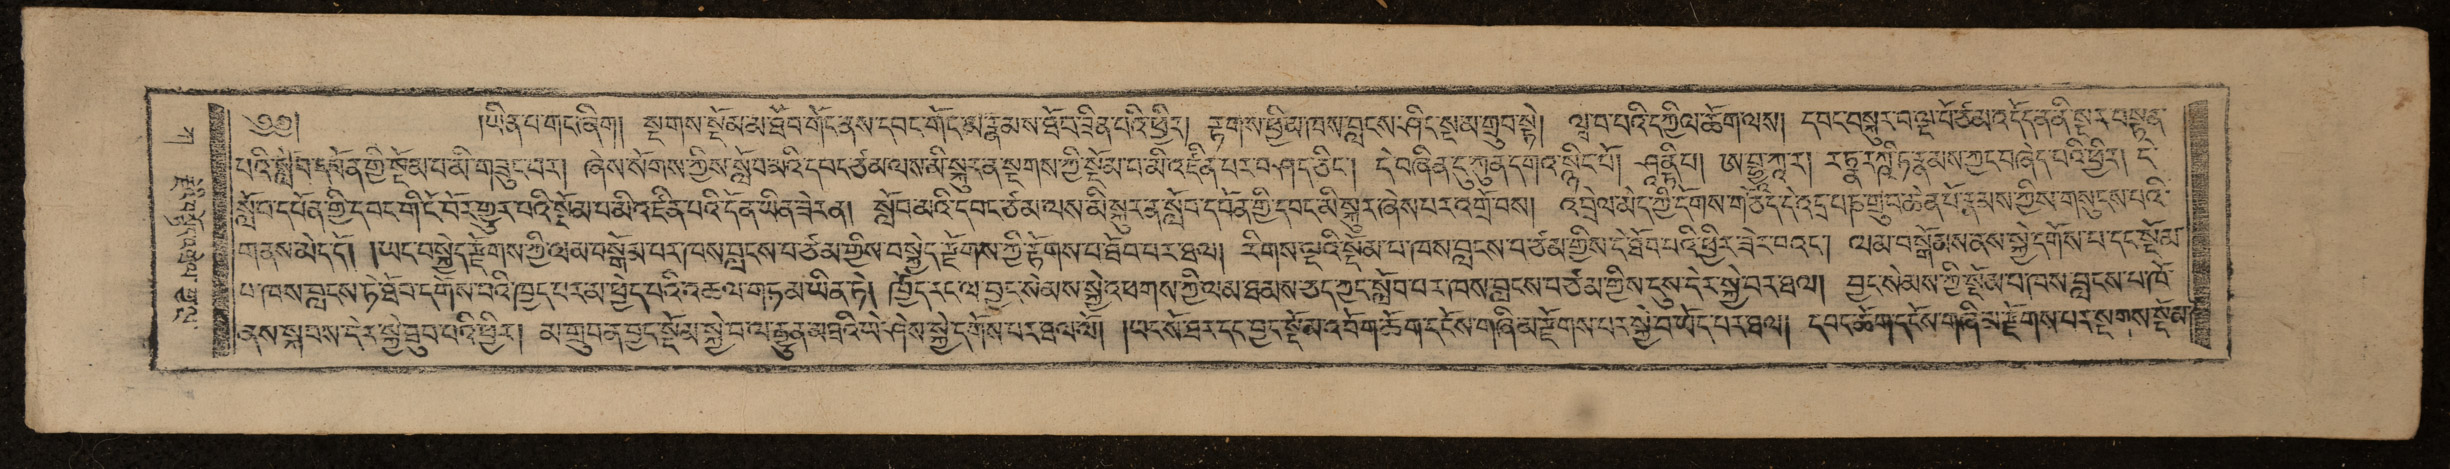༄༅། །ཡིན་པ་གང་ཞིག། སྔགས་སྡོམ་མ་ཐོབ་གོང་ནས་དབང་གོང་མ་རྣམས་ཐོབ་ཟིན་བའི་ཕྱིར། རྟགས་ཕྱི་མཁས་བླངས་ཤིང་སྔ་མ་གྲུབ་སྟེ། ལྭ་བ་བའི་དཀྱིལ་ཆོག་ལས། དབང་བསྐུར་བ་ལྔ་པོ་ཙམ་འདོད་ན་ནི་སྔར་བསྟན་
བའི་སློབ་དཔོན་གྱི་སྡོམ་བ་མི་གཟུང་བར། ཞེས་སོགས་ཀྱིས་སློབ་མའི་དབང་ཙམ་ལས་མི་སྐུར་ན་སྔགས་ཀྱི་སྡོམ་བ་མི་འཛན་བར་བཤད་ཅིང་། དེ་བཞིན་དུ་ཀུན་དགར་སྙིང་པོ། ཤཱནྟི་བ། ཨ་བྷྱ་ཀླར། རཏྣ་རཀྵིཏ་རྣམས་ཀྱང་བཞེད་པའི་ཕྱིར། དེ་
སློབ་དཔོན་གྱི་དབང་གི་ངོ་བོར་གྱུར་བའི་སྡོམ་པ་མི་འཛིན་པའི་དོན་ཡིན་ཟེར་ན། སློབ་མའི་དབང་ཙམ་ལས་མི་སྐུར་ན་སློབ་དཔོན་གྱི་དབང་མི་སྐུར་ཞེས་པར་འགྲོ་བས། འབྲེལ་མེད་ཀྱི་དོགས་གཅོད་དེ་འདྲ་བཎ་གྲུབ་ཆེན་པོ་རྣམས་ཀྱིས་གསུངས་པའི་
གནས་མེད་དོ། །ཡང་བསྐྱེད་རྫོགས་ཀྱི་ལམ་བསྒོམ་པར་ཁས་བླངས་པ་ཙམ་གྱིས་བསྐྱེད་རྫོགས་ཀྱི་རྟོགས་བ་ཐོབ་བར་ཐལ། རིགས་ལྔའི་སྡོམ་པ་ཁས་བླངས་པ་ཙམ་གྱིས་དེ་ཐོབ་པའི་ཕྱིར་ཟེར་བའང་། ལམ་བསྒོམས་ནས་སྐྱེ་དགོས་པ་དང་སྡོམ་
བ་ཁས་བླངས་ཏ་ཐོབ་དགོས་པའི་ཁྱད་པར་མ་གྱེད་པའི་འཆལ་གཏམ་ཡིན་ཏེ། ཁྱོད་རང་ལ་བྱང་སེམས་སྐྱེ་འཕགས་ཀྱི་ལམ་ཐམས་ཅད་ཀྱང་སློབ་པར་ཁས་བླངས་པ་ཙམ་གྱིས་དུས་དེར་སྐྱེ་བར་ཐལ། བྱང་སེམས་ཀྱི་སྡོམ་པ་ཁས་བླངས་པ་ཁོ་
ནས་སྐབས་དེར་སྐྱེ་ཐུབ་པའི་ཕྱིར། མ་གྲུབ་ན་བྱང་སྡོམ་སྐྱེ་བ་ལ་རྒྱུན་མཐའི་ཡེ་ཤེས་སྐྱེ་དགོས་བར་ཐལ་ལོ། །ཡང་སོ་ཐར་དང་བྱང་སྡོམ་འབོག་ཆོག་དངོས་གཞི་མ་རྫོགས་པར་སྐྱེ་བ་ཡོད་བར་ཐལ། དབང་ཆོག་དངོས་གཞི་མ་རྫོགས་པར་སྔགས་སྡོམ་